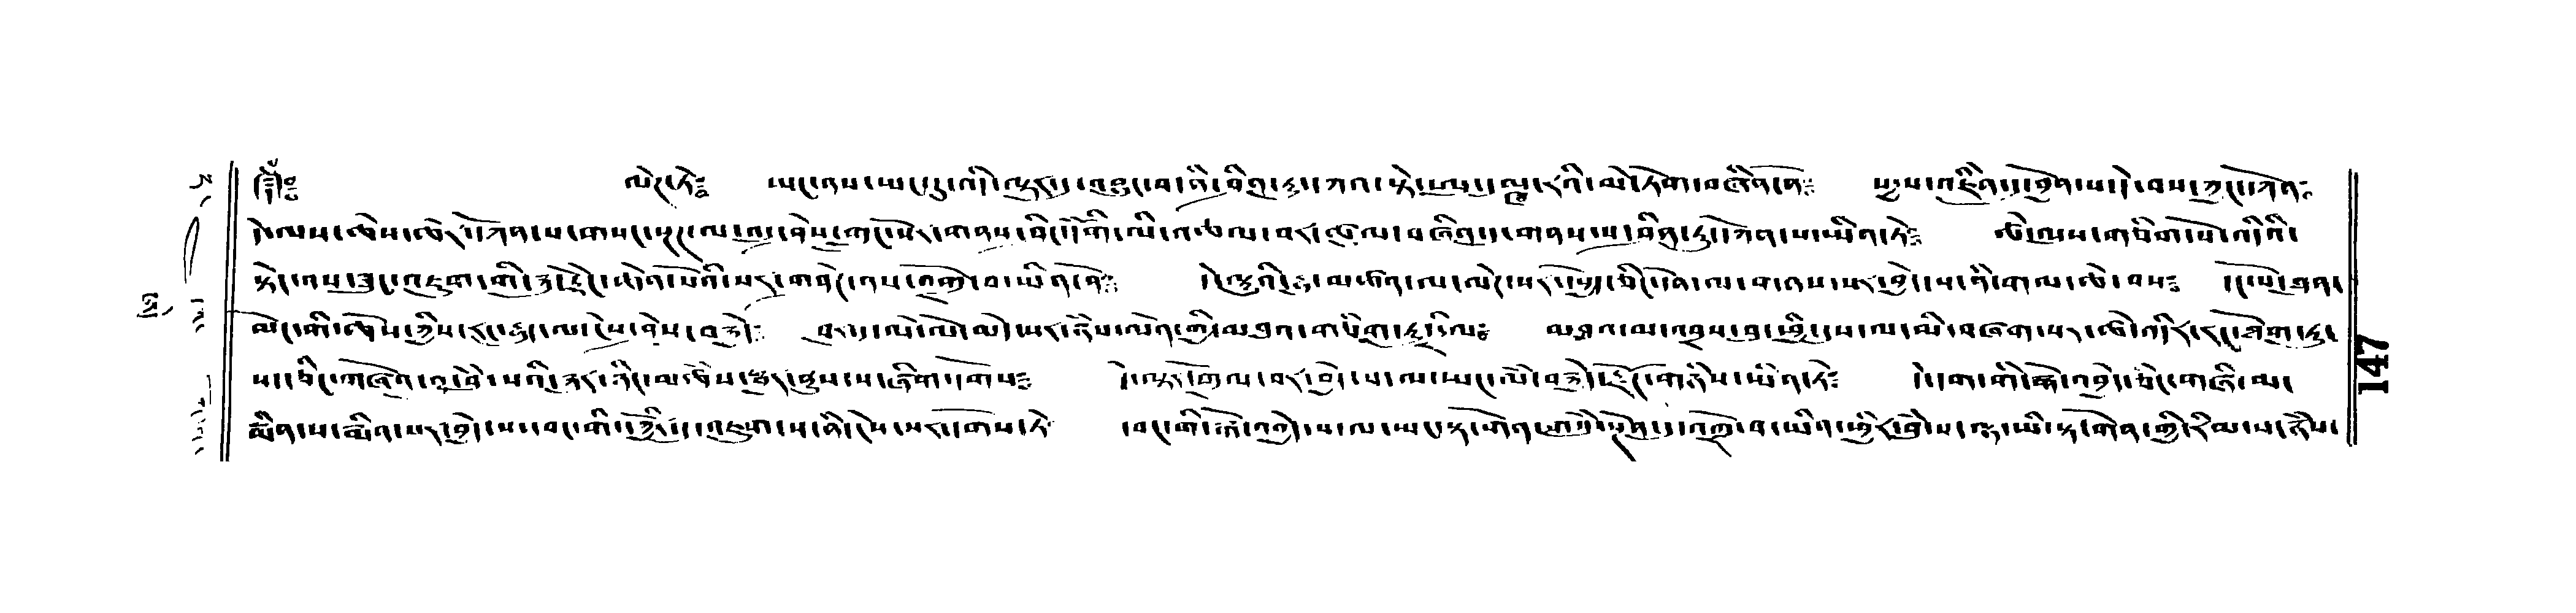ལེགས་ཏེ༔ ཡང་ནས་ཡང་དུ་འདི་ལྟར་དུ་འབྱུང་བ་ནི་ཤིན་ཏུ་དཀའ་སྟེ་ཨུ་དུམ་ཝ་རའི་མེ་ཏོག་བཞིན་ནོ༔ སངས་རྒྱས་འཇིག་རྟེན་དུ་བྱོན་པ་དེ་བས་ཀྱང་དཀོན༔ 
དེ་ལས་ཆེས་ཆེར་དཀོན་པ་གསང་སྔགས་ལ་འདུ་ཤེས་གྲུང་པོར་གནས་ཤིང་དམ་ཚིག་མི་འཆལ་བར་ཚུལ་བཞིན་དུ་གནས་པ་ཤིན་ཏུ་དཀོན་པ་ཡིན་ཏེ༔ ཚེ་ལུས་གཅིག་པོ་འདིའི་
སྟེང་ནས་ཟུང་འཇུག་གི་སྐུ་རྡོ་རྗེ་འཆང་ཆེན་པོའི་སར་གཤེགས་ནས་འགྲོ་བ་ཡིན་ནོ༔དེ་ལྟ་བུའི་རྒྱུ་མཚན་ལ་ལེགས་པར་དཔྱོད་ཅིང་དོན་ལ་གནས་པར་བྱེད་པ་ནི་གལ་ཆེ་བས༔ དང་པོ་ཐུན་
མོང་གི་ཆོས་ཀྱིས་རང་རྒྱུད་ལ་ངེས་ཤེས་བསྐྱེད༔ བར་དུ་ལེ་ལོ་མེད་པར་ཉམས་ལེན་གྱི་མཐའ་གཅིག་ཏུ་དྲིལ༔ མཐའ་མ་འབྲས་བུ་ཕྱི་དུས་ལ་མི་བཞག་པར་ཚེ་འདིར་རང་ཐོག་ཏུ་
སད་ཅིང་གཞོན་ནུ་བུམ་པའི་སྐུར་ཉིང་མཚམས་སྦྱོར་ནུས་པ་ཞིག་དགོས༔ དེ་ལྟར་གྲོལ་བར་བྱེད་པ་ལ་ཡང་ལམ་བསྐྱེད་རྫོགས་གཉིས་ཡིན་ཏེ༔ དེ་དག་གི་སྒོ་འབྱེད་ཅིང་གཞི་མ་
སྨིན་པ་སྨིན་པར་བྱེད་པ་དབང་གི་དཀྱིལ་འཁོར་དུ་འཇུག་པ་ནི་ངེས་པར་དགོས་ཏེ༔ དབང་གི་སྒོ་འབྱེད་པ་ལ་ཡང་སྟ་གོན་གསུམ་སྔོན་དུ་འགྲོ་བ་ཡིན་ཕྱིར་བུམ་པ་ལྷ་ཡི་སྟ་གོན་གྱི་རིམ་པ་རྣམས་